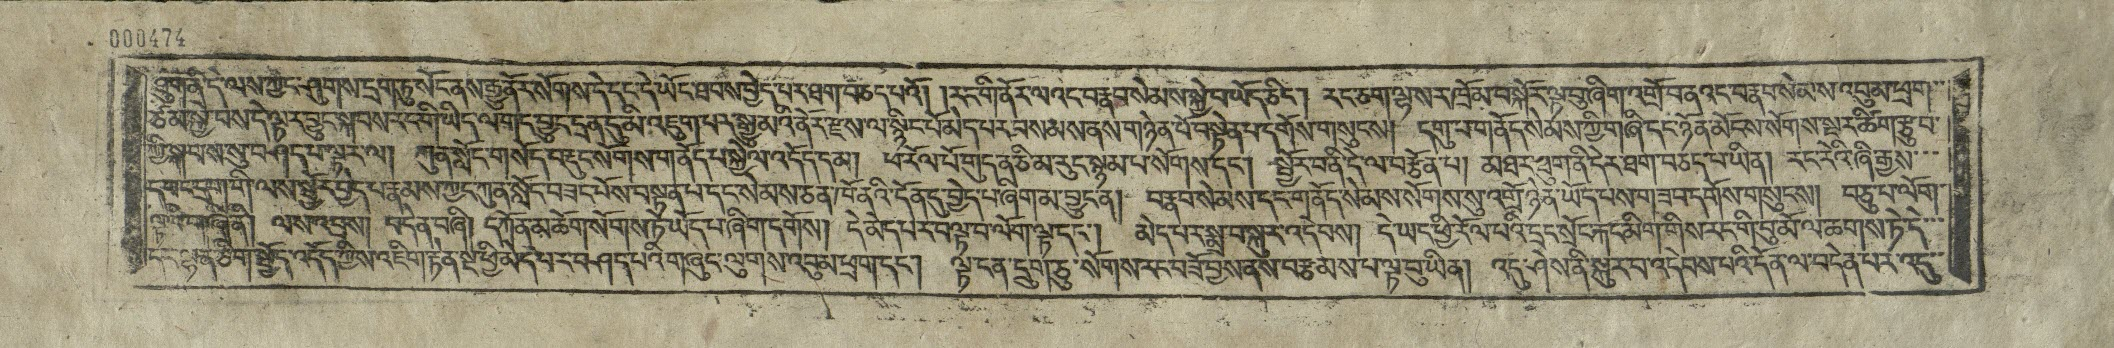ཐུག་ནི་དེ་ལས་ཀྱང་ཤུགས་དྲག་ཏུ་སོང་ནས་རྒྱུ་ནོར་སོགས་དེ་དང་དེ་ཡོང་ཐབས་བྱེད་པར་ཐག་བཅད་པའོ། །རང་གི་ནོར་ལའང་བརྣབ་སེམས་སྐྱེ་བ་ཡོད་ཅིང་། རང་ཅག་ལྷ་སར་ཁྲོམ་བསྐོར་ལྟ་བུ་ཞིག་འགྲོ་བ་ནའང་བརྣབ་སེམས་འབུམ་ཕྲག་
ཙམ་སྐྱེ་བས་དེ་ལྟར་བྱུང་སྐབས་རང་གི་ཡིད་ལ་གང་བྱུང་དྲན་དུ་མི་འཇུག་པར་སྒྱུ་མའི་ནོར་རྫས་ལ་སྙིང་པོ་མེད་པར་བསམས་ནས་གཉེན་པོ་བསྟེན་པ་དགོས་གསུངས། དགུ་པ་གནོད་སེམས་ཀྱི་གཞི་དང་ཉོན་མོངས་སོགས་སྔར་ཚིག་རྩུབ་
ཀྱི་སྐབས་སུ་བཤད་པ་ལྟར་ལ། ཀུན་སློང་གསོད་བརྡུང་སོགས་གནོད་པ་སྐྱེལ་འདོད་དམ། ཕ་རོལ་པོ་གུད་ན་ཅི་མ་རུང་སྙམ་པ་སོགས་དང་། སྦྱོར་བ་ནི་དེ་ལ་བརྩོན་པ། མཐར་ཐུག་ནི་དེར་ཐག་བཅད་པ་ཡིན། རང་རེའི་ཞི་རྒྱས་
དབང་དྲག་གི་ལས་སྦྱོར་བྱེད་པ་རྣམས་ཀྱང་ཀུན་སློང་བཟང་པོས་བསྟན་པ་དང་སེམས་ཅན་ཁོ་ནའི་དོན་དུ་བྱེད་པ་ཞིག་མ་བྱུང་ན། བརྣབ་སེམས་དང་གནོད་སེམས་སོགས་སུ་འགྲོ་ཉེན་ཡོད་པས་གཟབ་དགོས་གསུངས། བཅུ་པ་ལོག་
ལྟའི་གཞི་ནི། ལས་འབྲས། བདེན་བཞི། དཀོན་མཆོག་སོགས་ཏེ་ཡོད་པ་ཞིག་དགོས། དེ་མེད་པར་བལྟ་བ་ལོག་ལྟ་དང་། མེད་པར་སྨྲ་བ་སྐུར་འདེབས། དེ་ཡང་ཕྱི་རོལ་པའི་དྲང་སྲོང་རྐང་མིག་གིས་རང་གི་བུ་མོ་ལ་ཆགས་ཏེ་དེ་
དང་ལྷན་ཅིག་སྤྱོད་འདོད་ཀྱིས་འཇིག་རྟེན་སྔ་ཕྱི་མེད་པར་བཤད་པའི་གཞུང་ལུགས་འབུམ་ཕྲག་དང་། ལྟ་ངན་དྲུག་ཅུ་སོགས་རང་བཟོ་བྱས་ནས་བརྩམས་པ་ལྟ་བུ་ཡིན། འདུ་ཤེས་ནི་སྐུར་བ་འདེབས་པའི་དོན་ལ་བདེན་པར་འདུ་